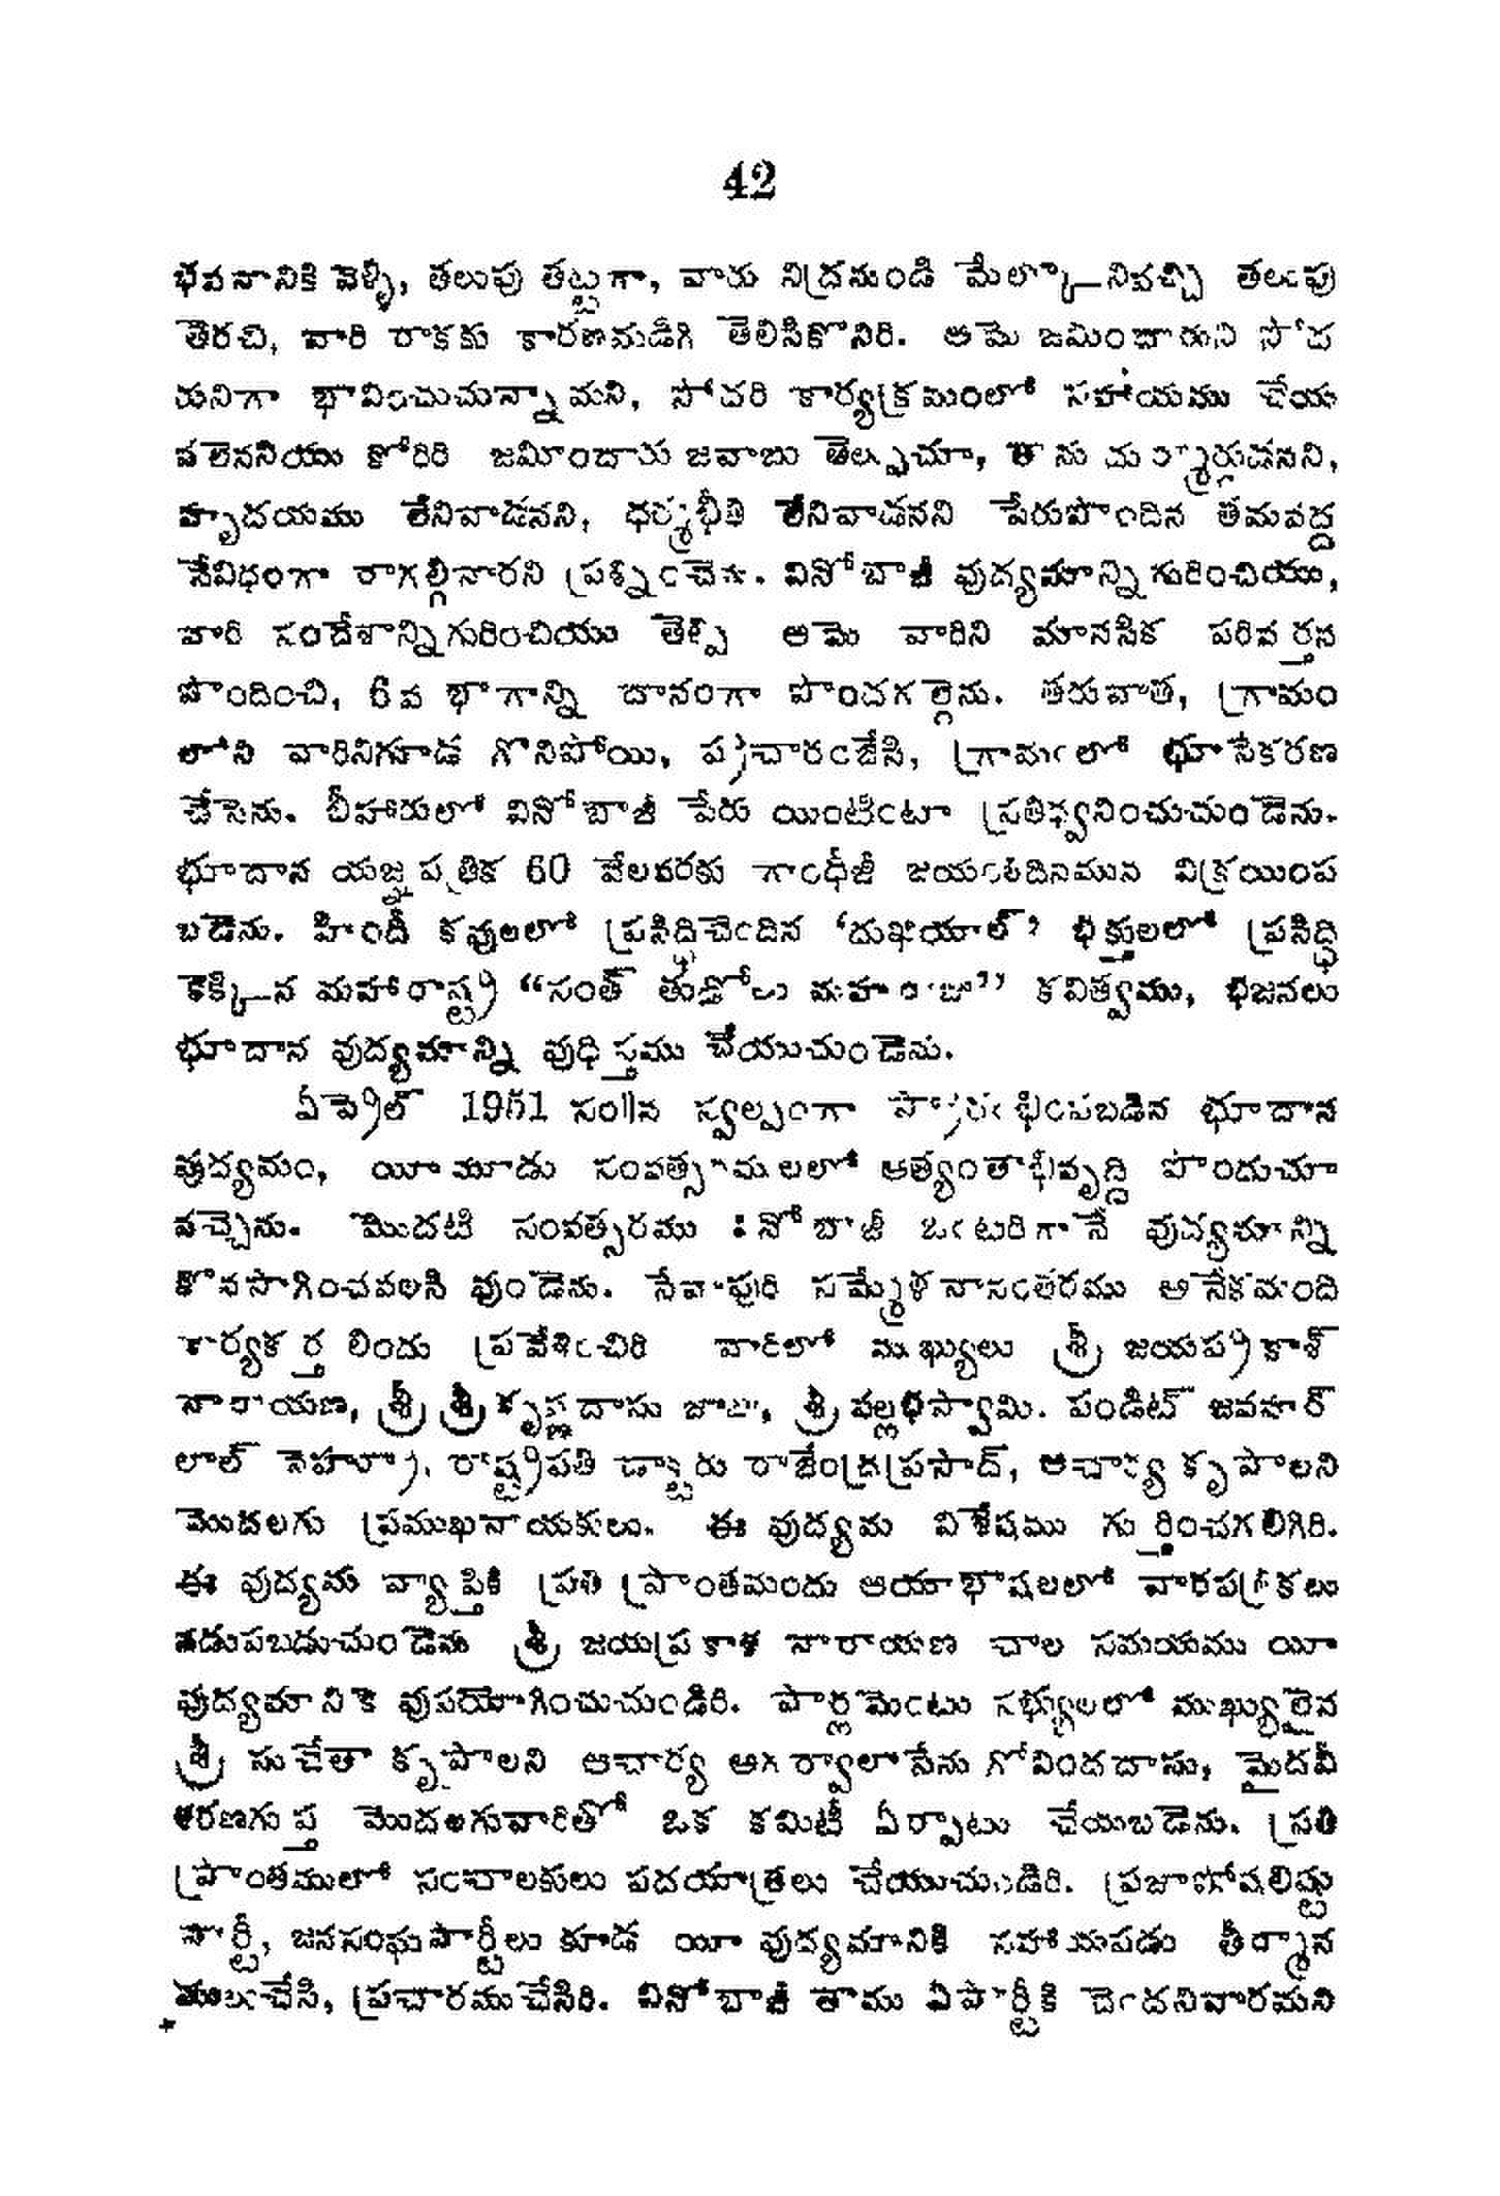భవనానికి వెళ్ళి, తలుపు తట్టగా, వారు నిద్రనుండి మేల్కొనివచ్చి తలుపు తెరచి, వారి రాకకు కారణమడిగి తెలిసికొనిరి. ఆమె జమీందారుని సోదరునిగా భావించుచున్నామని, సోదరి కార్యక్రమంలో సహాయము చేయవలెననియు కోరిరి జమీందారు జవాబు తెల్పుచూ, తాను దుర్మార్గుడనని, హృదయము లేనివాడనని, ధర్మభీతి లేనివాడనని పేరుపొందిన తమవద్ద నేవిధంగా రాగల్గినారని ప్రశ్నించెను. వినోబాజీ వుద్యమాన్ని గురించియు, వారి సందేశాన్నిగురించియు తెల్ఫి ఆమె వారిని మానసిక పరివర్తన పొందించి, 6వ భాగాన్ని దానంగా పొందగల్గెను. తరువాత, గ్రామంలోని వారినిగూడ గొనిపోయి, ప్రచారంజేసి, గ్రామంలో భూసేకరణ చేసెను. బీహారులో వినోబాజీ పేరు యింటింటా ప్రతిధ్వనించుచుండెను. భూదాన యజ్ఞ పత్రిక 60 వేలవరకు గాంధీజీ జయంతిదినిమున విక్రయింప బడెను. హిందీ కవులలో ప్రసిద్దిచెందిన 'దుఖియాల్‌' భక్తులలో ప్రసిద్ధి కెక్కిన మహారాష్ట్ర "సంత్ తుడోలు మహరాజు" కవిత్వము, భజనలు భూదాన వుద్యమాన్ని వుధిస్తము చేయుచుండెను.

ఏప్రెల్ 1951 సం||న స్వల్పంగా ప్రారంభింపబడిన భూదాస వుద్యమం, యీ మూడు సంవత్సరములలో అత్యంతాభివృద్ధి పొందుచూ వచ్చెను. మొదటి సంవత్సరము వినోబాజీ ఒంటరిగానే వుద్యమాన్ని కొనసాగించవలసి వుండెను. సేవాపురి సమ్మేళనానంతరము అనేకమంది కార్యకర్త లిందు ప్రవేశించిరి. వారిలో ముఖ్యులు శ్రీ జయప్రకాశ్ నారాయణ, శ్రీ శ్రీకృష్ణదాసు జాజు, శ్రీ వల్లభస్వామి. పండిట్ జవహర్ లాల్ నెహ్రూ, రాష్ట్రపతి డాక్టరు రాజేంద్రప్రసాద్, ఆచార్య కృపాలని మొదలగు ప్రముఖ నాయకులు. "ఈ వుద్యమ విశేషము గుర్తించగలిగిరి. ఈ వుద్యమ వ్యాప్తికి ప్రతి ప్రాంతమందు ఆయాభాషలలో వారపత్రికలు నడుపబడుచుండెను . జయప్రకాశ నారాయణ చాల సమయము యీ వుద్యమానికె వుపయోగించుచుండిరి. పార్లమెంటు సభ్యులలో ముఖ్యులైన శ్రీ సుచేతా కృపొలని ఆచార్య ఆగర్వాలాసేను గోవిందదాసు, మైదవీశరణగుప్త మొదలగువారితో ఒక కమిటీ ఏర్పాటు చేయబడెను. ప్రతి ప్రాంతములో సంచాలకులు పదయాత్రలు చేయుచుండిరి. ప్రజాషోషలిష్టుపార్టీ, జనసంఘపార్టీలు కూడ యీ వుద్యమానికి సహాయపడు తీర్మానములుచేసి, ప్రచారముచేసిరి. వినోబాజీ తాము ఏపార్టీకి చెందనివారమని